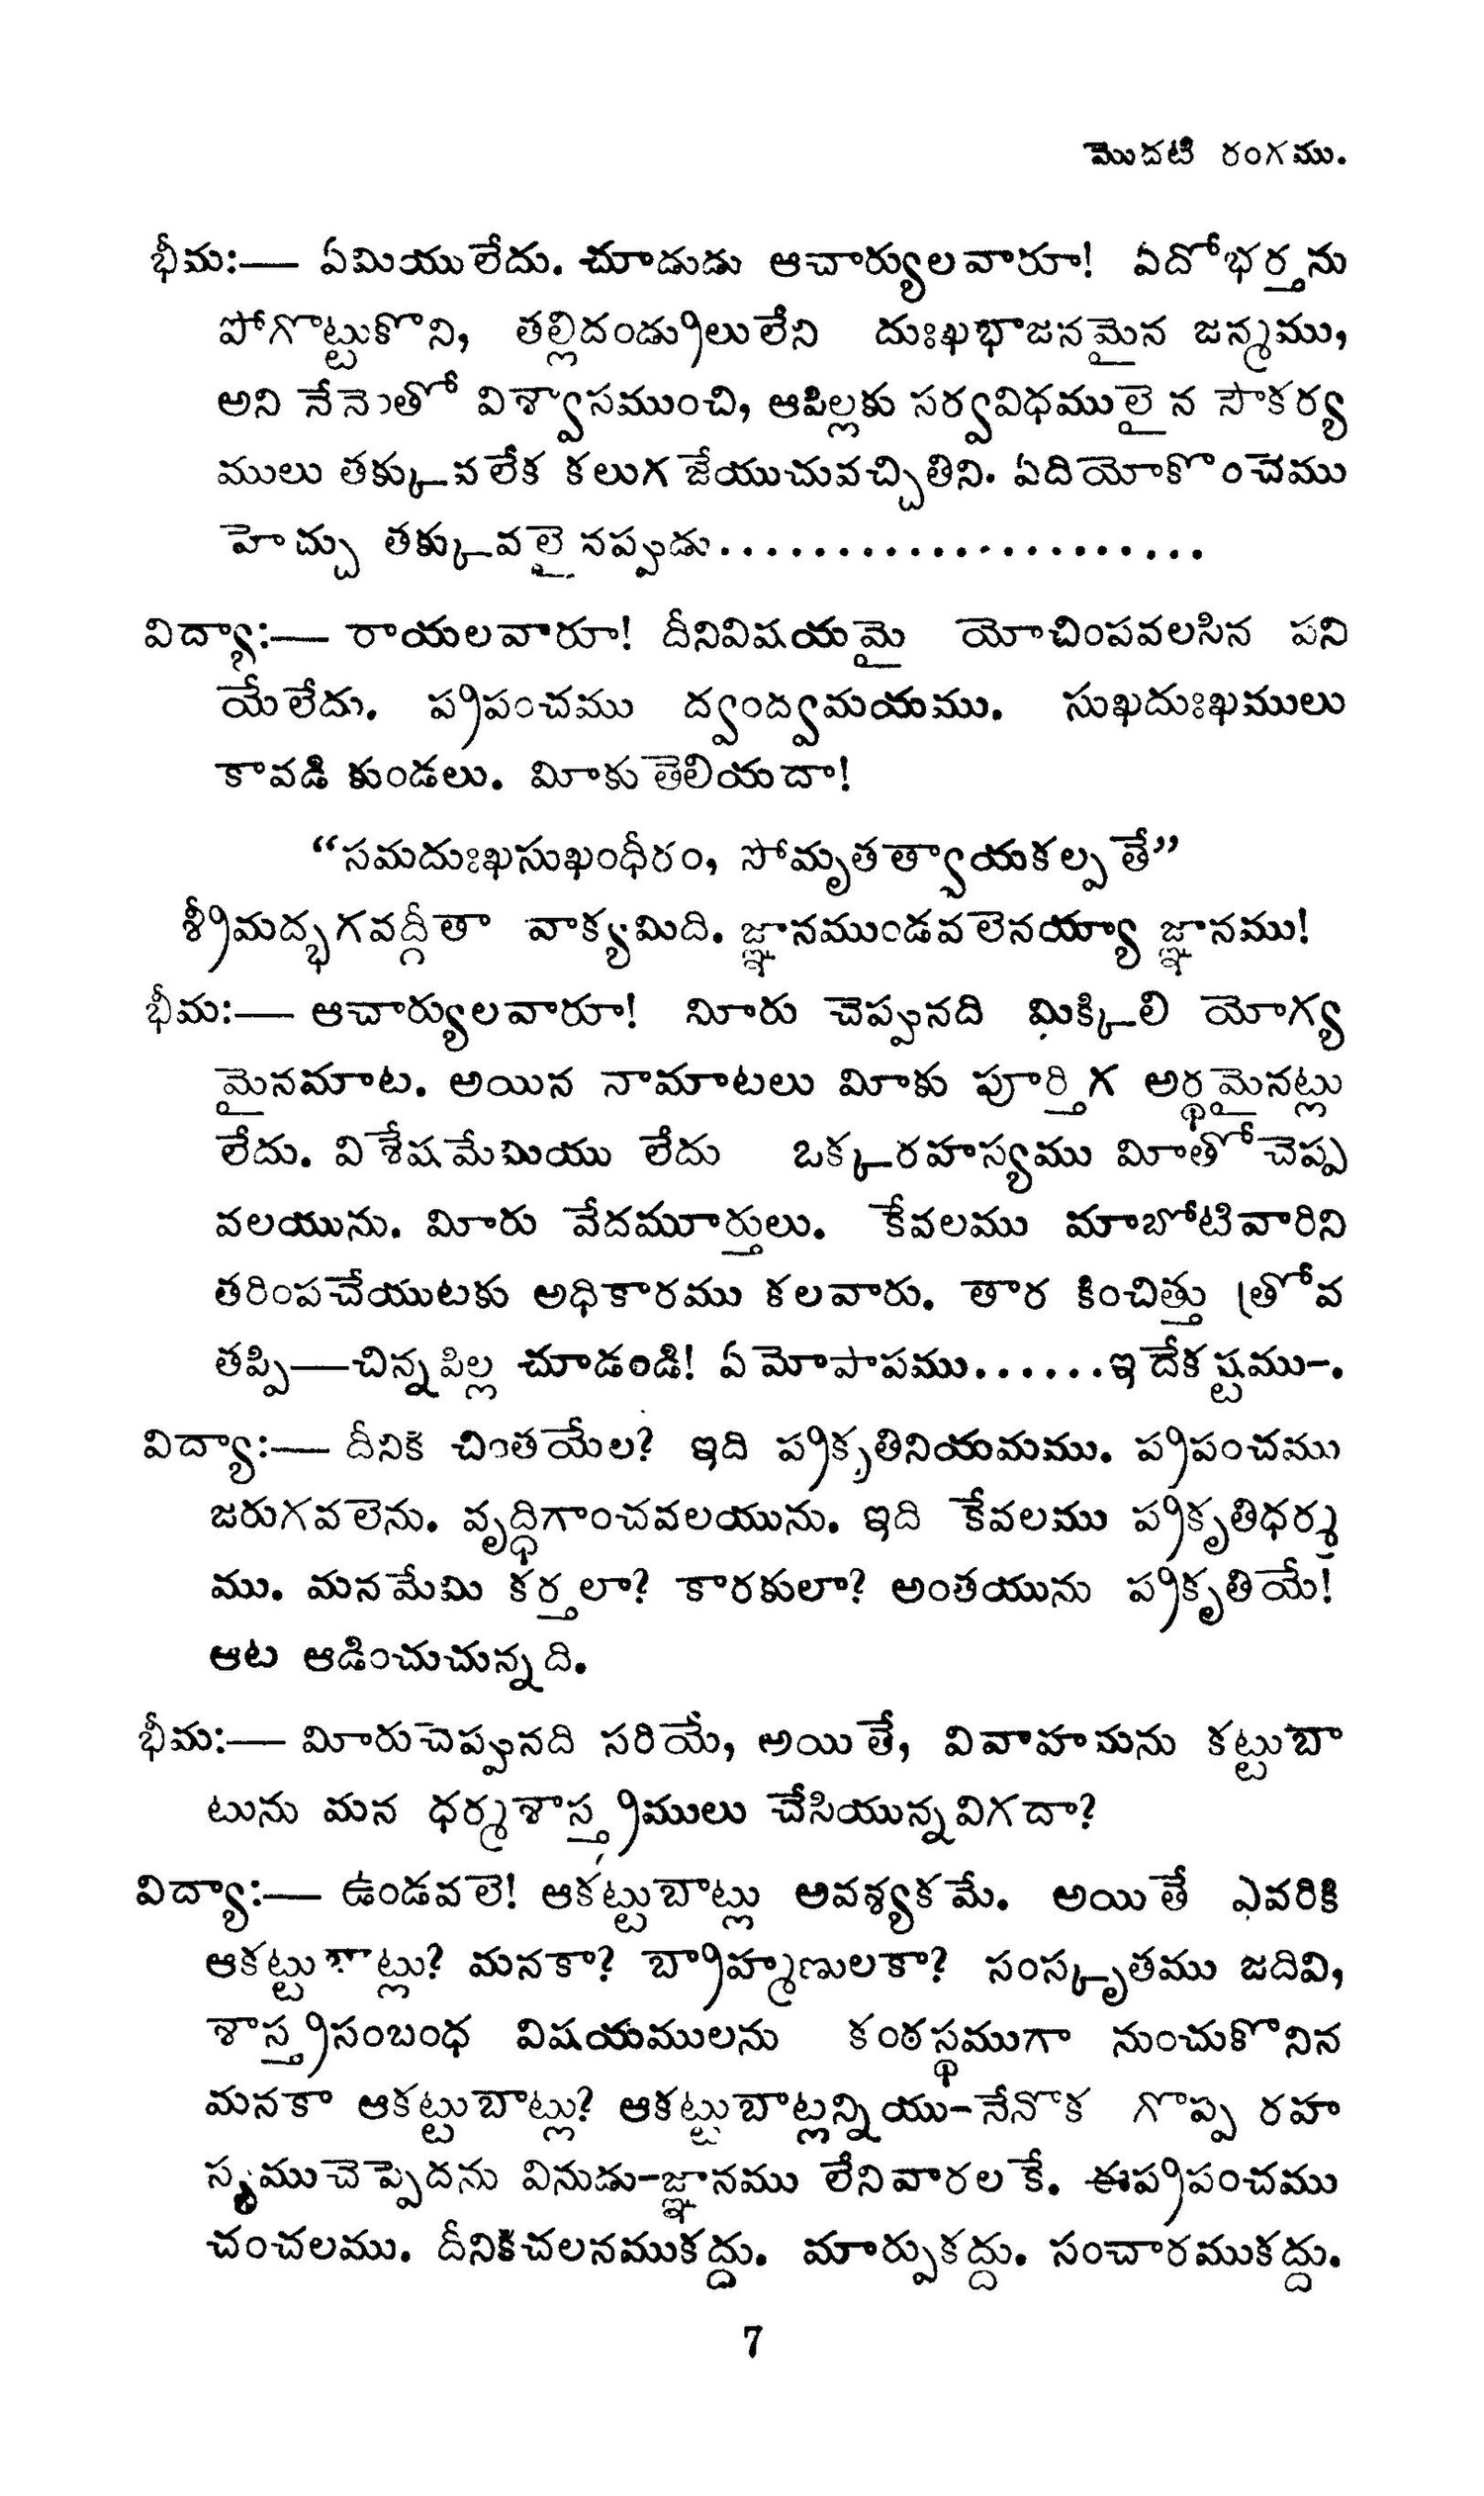భీమ:- ఏమియు లేదు. చూడుడు ఆచార్యులవారూ! ఎదోభర్తను పోగొట్టుకొని, తల్లిదండ్రులులేని దు:ఖభాజనమైన జన్మము, అని నేనెంతో విశ్వాసముంచి, ఆపిల్లను సర్వవిధములైన సౌకర్యములు తక్కువలేక కలుగజేయువచ్చితిని. ఏదియోకొంచెము హెచ్చు తక్కువలైనప్పుడు................

విద్యా:- రాయల వారూ! దీనివిషయమై యోచింపవలసిన పనియేలేదు. ప్రపంచము ద్వంద్వమయము. సుఖదు:ఖములు కావడి కుండలు. మీకుతెలియదా! 

శ్రీ మద్భగవద్గీతా వాక్యమిది. జ్ఞానముండవలెనయ్యా జ్ఞానము!

భీమ:- ఆచార్యులవారూ! మీరు చెప్పునది మిక్కిలి యోగ్యమైనమాట, అయిన నామాటలు మీకు పూర్తిగ అర్ధమైనట్లు లేదు. విశేషమేమియులేదు. ఒక్కరహస్యం మీతోచెప్పవలయును. మీరు వేదమూర్తులు. కలవారు, తార కించిత్తు త్రోవతప్పి--చిన్నపిల్ల చూడండి! ఏమోపాపము.....ఇదేకష్టమూ.

విద్యా:-- దీనికి చింతయేల? ఇది ప్రకృతినియమము. ప్రపంచము జరుగవలెను. వృద్దిగాంచవలయును. ఇది కేవలము ప్రకృతిధర్మము. మనమేమి కర్తలా? కారకులా? అంతయును, ప్రకృతియే! ఆట ఆడించుచున్నది.

భీమ:--మీరుచెప్పునది సరియే, అయితే, వివాహమను కట్టుబాటును మన ధర్మశాస్త్రములు చేసియున్నవిగదా?

విద్యా:--ఉండవలె! ఆకట్టుబాట్లు అవశ్యకమే. అయితే ఎవరికి ఆ కట్టుబాట్లు? మనకా? బ్రాహ్మణులకా? సంస్కృతము జదివి, శాస్త్రసంబంధ విషయములను కంఠస్ధముగా నుంచుకొనిన మనకా ఆకట్టుబాట్లు? ఆకట్టుబాట్లన్నియు- నేనొక గొప్ప రహస్యము చెప్పెదను. వినుడు జ్ఞానము లేనివారలకే. ఈప్రబంచము చంచలము. దీనికిచలనముకద్దు. మార్పుకద్దు. సంచారముకద్దు.